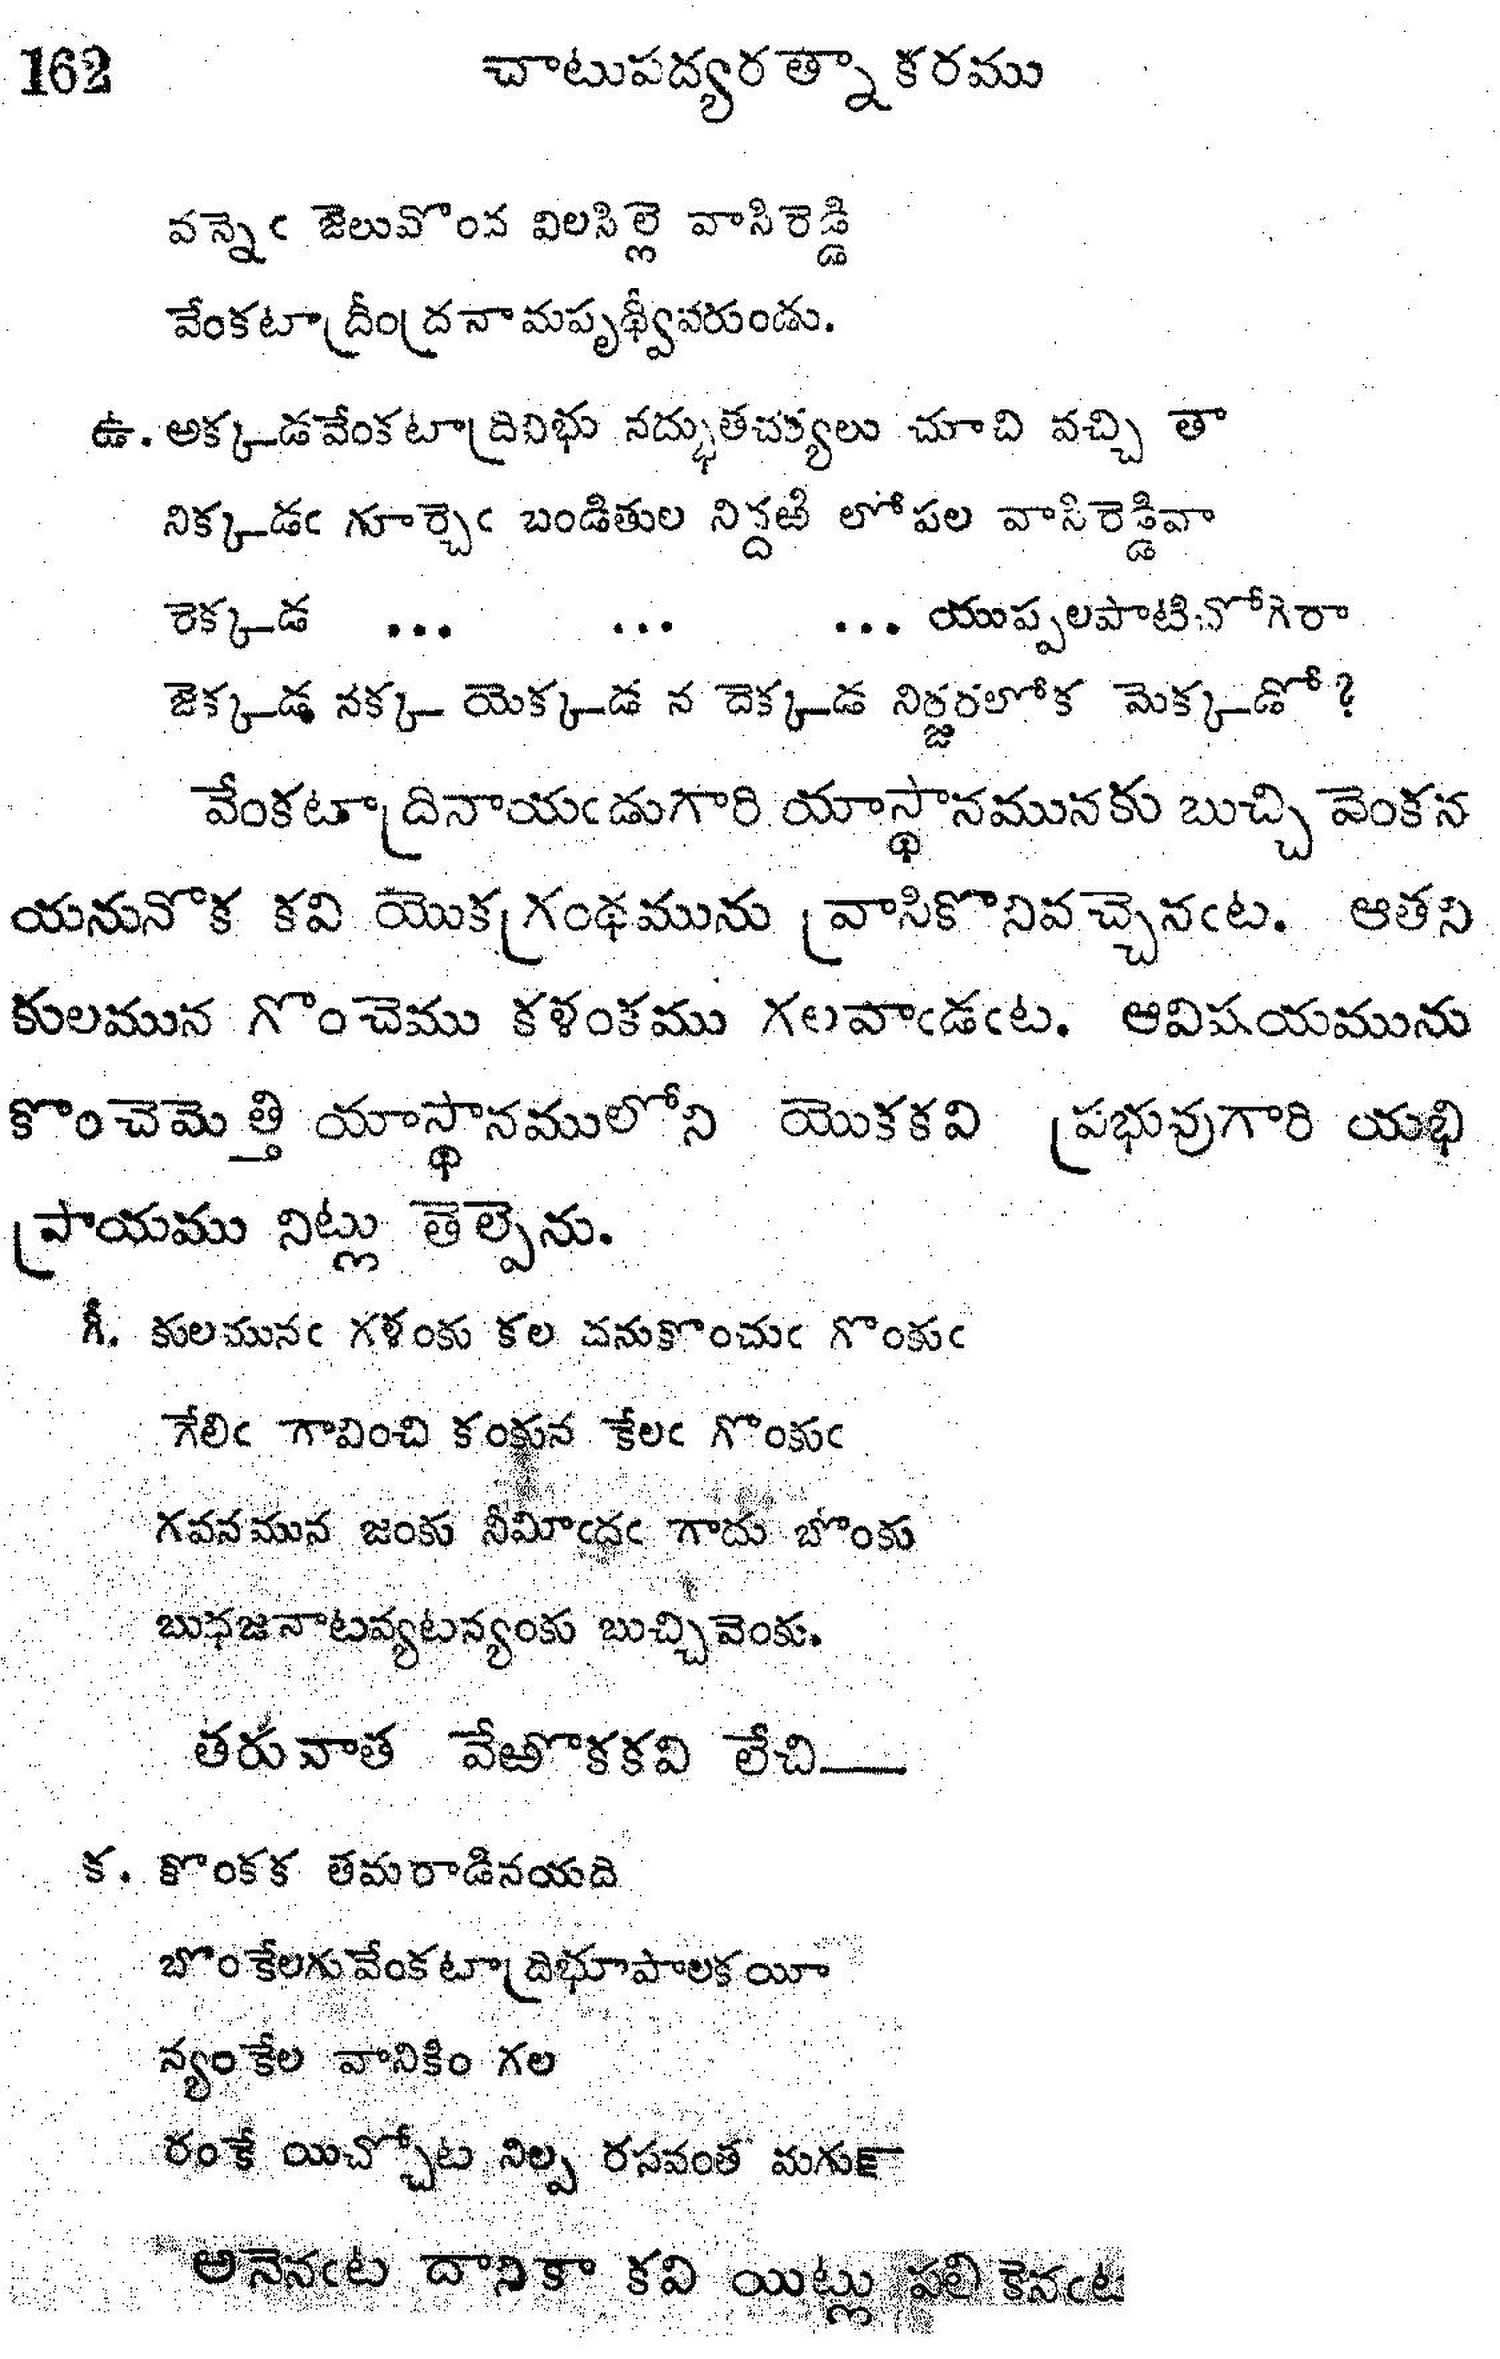వన్నెఁ జెలువొంద విలసిల్లె వాసిరెడ్డి
 వేంకటాద్రీంద్రనామపృథ్వీవరుండు.

ఉ. అక్కడ వేంకటాద్రివిభు నద్భుతచర్యలు చూచి వచ్చి తా
 నిక్కడఁ గూర్చెఁ బండితుల నిద్దఱి లోపల వాసిరెడ్డి వా
 రెక్కడ...................................యుప్పలపాటిచోగిరా
 జెక్కడ నక్క యెక్కడ న దెక్కట నిర్జరలోక మెక్కడో?

వేంకటాద్రినాయఁడుగారి యాస్థానమునకు బుచ్చి వెంకన యనుకవి యొకగ్రంథమును వ్రాసికొనివచ్చెనఁట. ఆతని కులమున గొంచెము కళంకము గలవాఁడఁట. ఆవిషయమును కొంచెమెత్తి యాస్థానములోని యొకకవి ప్రభువుగారి యభిప్రాయము నిట్లు తెల్పెను.

గీ. కులమునఁ గళంకు కల దనుకొంచుఁ గొంకుఁ
 గేలిఁ గావించి కంకున కేలఁ గొంకుఁ
 గవనమున జంకు నీమీఁదఁ గాదు బొంకు
 బుధజనాటవ్యటన్యంకు బుచ్చివెంకు.

తరువాత వేఱొకకవి లేచి—

క. కొంకక తమరాడినయది
 బొం కేలగు వేంకటాద్రిభూపాలక యీ
 న్యంకేల వానికిం గల
 రంకే యిచ్చోట నిల్ప రసవంత మగున్.

అనెనఁట. దానికా కవి యిట్లు పలికెనఁట.